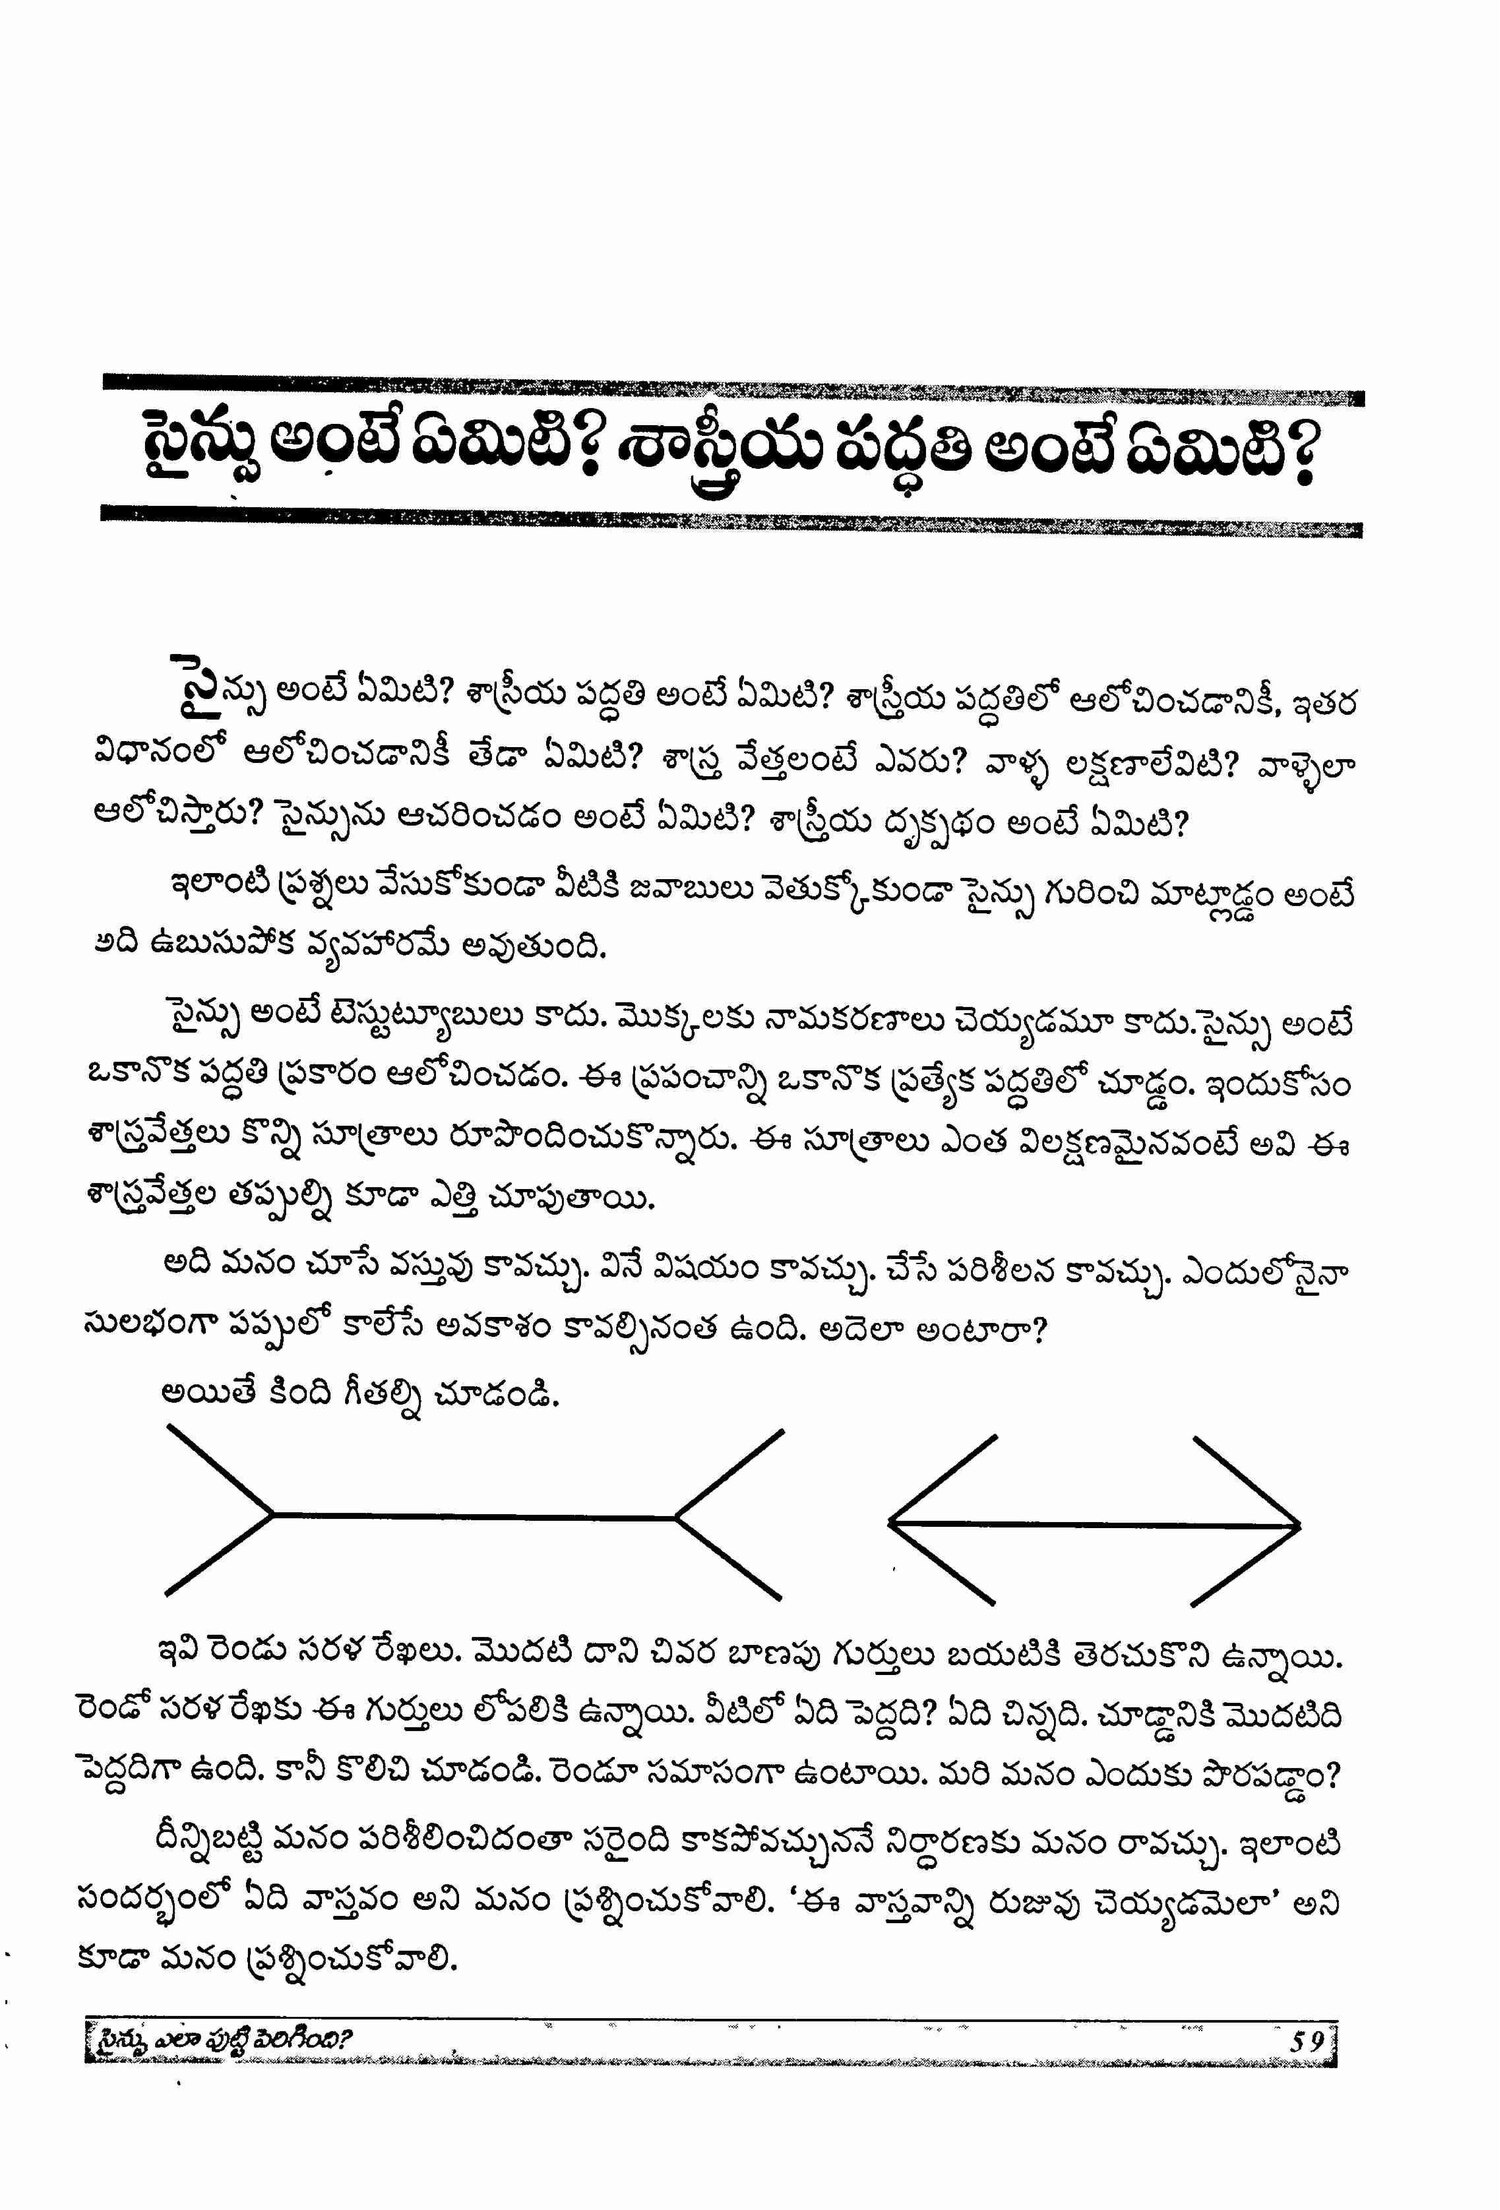సైన్సు అంటే ఏమిటి? శాస్త్రీయ పద్ధతి అంటే ఏమిటి?

సైన్సు అంటే ఏమిటి? శాస్త్రీయ పద్ధతి అంటే ఏమిటి? శాస్త్రీయ పద్ధతిలో ఆలోచించడానికీ, ఇతర విధానంలో ఆలోచించడానికీ తేడా ఏమిటి? శాస్త్ర వేత్తలంటే ఎవరు? వాళ్ళ లక్షణాలేవిటి? వాళ్ళెలా ఆలోచిస్తారు? సైన్సును ఆచరించడం అంటే ఏమిటి? శాస్త్రీయ దృక్పథం అంటే ఏమిటి?

ఇలాంటి ప్రశ్నలు వేసుకోకుండా వీటికి జవాబులు వెతుక్కోకుండా సైన్సు గురించి మాట్లాడ్డం అంటే అది ఉబుసుపోక వ్యవహారమే అవుతుంది.

సైన్సు అంటే టెస్టుట్యూబులు కాదు. మొక్కలకు నామకరణాలు చెయ్యడమూ కాదు. సైన్సు అంటే ఒకానొక పద్ధతి ప్రకారం ఆలోచించడం. ఈ ప్రపంచాన్ని ఒకానొక ప్రత్యేక పద్ధతిలో చూడ్డం. ఇందుకోసం శాస్త్రవేత్తలు కొన్ని సూత్రాలు రూపొందించుకొన్నారు. ఈ సూత్రాలు ఎంత విలక్షణమైనవంటే అవి ఈ శాస్త్రవేత్తల తప్పుల్ని కూడా ఎత్తి చూపుతాయి.

అది మనం చూసే వస్తువు కావచ్చు. వినే విషయం కావచ్చు. చేసే పరిశీలన కావచ్చు. ఎందులోనైనా సులభంగా పప్పులో కాలేసే అవకాశం కావల్సినంత ఉంది. అదెలా అంటారా?

అయితే కింది గీతల్ని చూడండి.

ఇవి రెండు సరళ రేఖలు. మొదటి దాని చివర బాణపు గుర్తులు బయటికి తెరచుకొని ఉన్నాయి. రెండో సరళ రేఖకు ఈ గుర్తులు లోపలికి ఉన్నాయి. వీటిలో ఏది పెద్దది? ఏది చిన్నది. చూడ్డానికి మొదటిది పెద్దదిగా ఉంది. కానీ కొలిచి చూడండి. రెండూ సమాసంగా ఉంటాయి. మరి మనం ఎందుకు పొరపడ్డాం?

దీన్నిబట్టి మనం పరిశీలించిదంతా సరైంది కాకపోవచ్చుననే నిర్ధారణకు మనం రావచ్చు. ఇలాంటి సందర్భంలో ఏది వాస్తవం అని మనం ప్రశ్నించుకోవాలి. 'ఈ వాస్తవాన్ని రుజువు చెయ్యడమెలా' అని కూడా మనం ప్రశ్నించుకోవాలి.